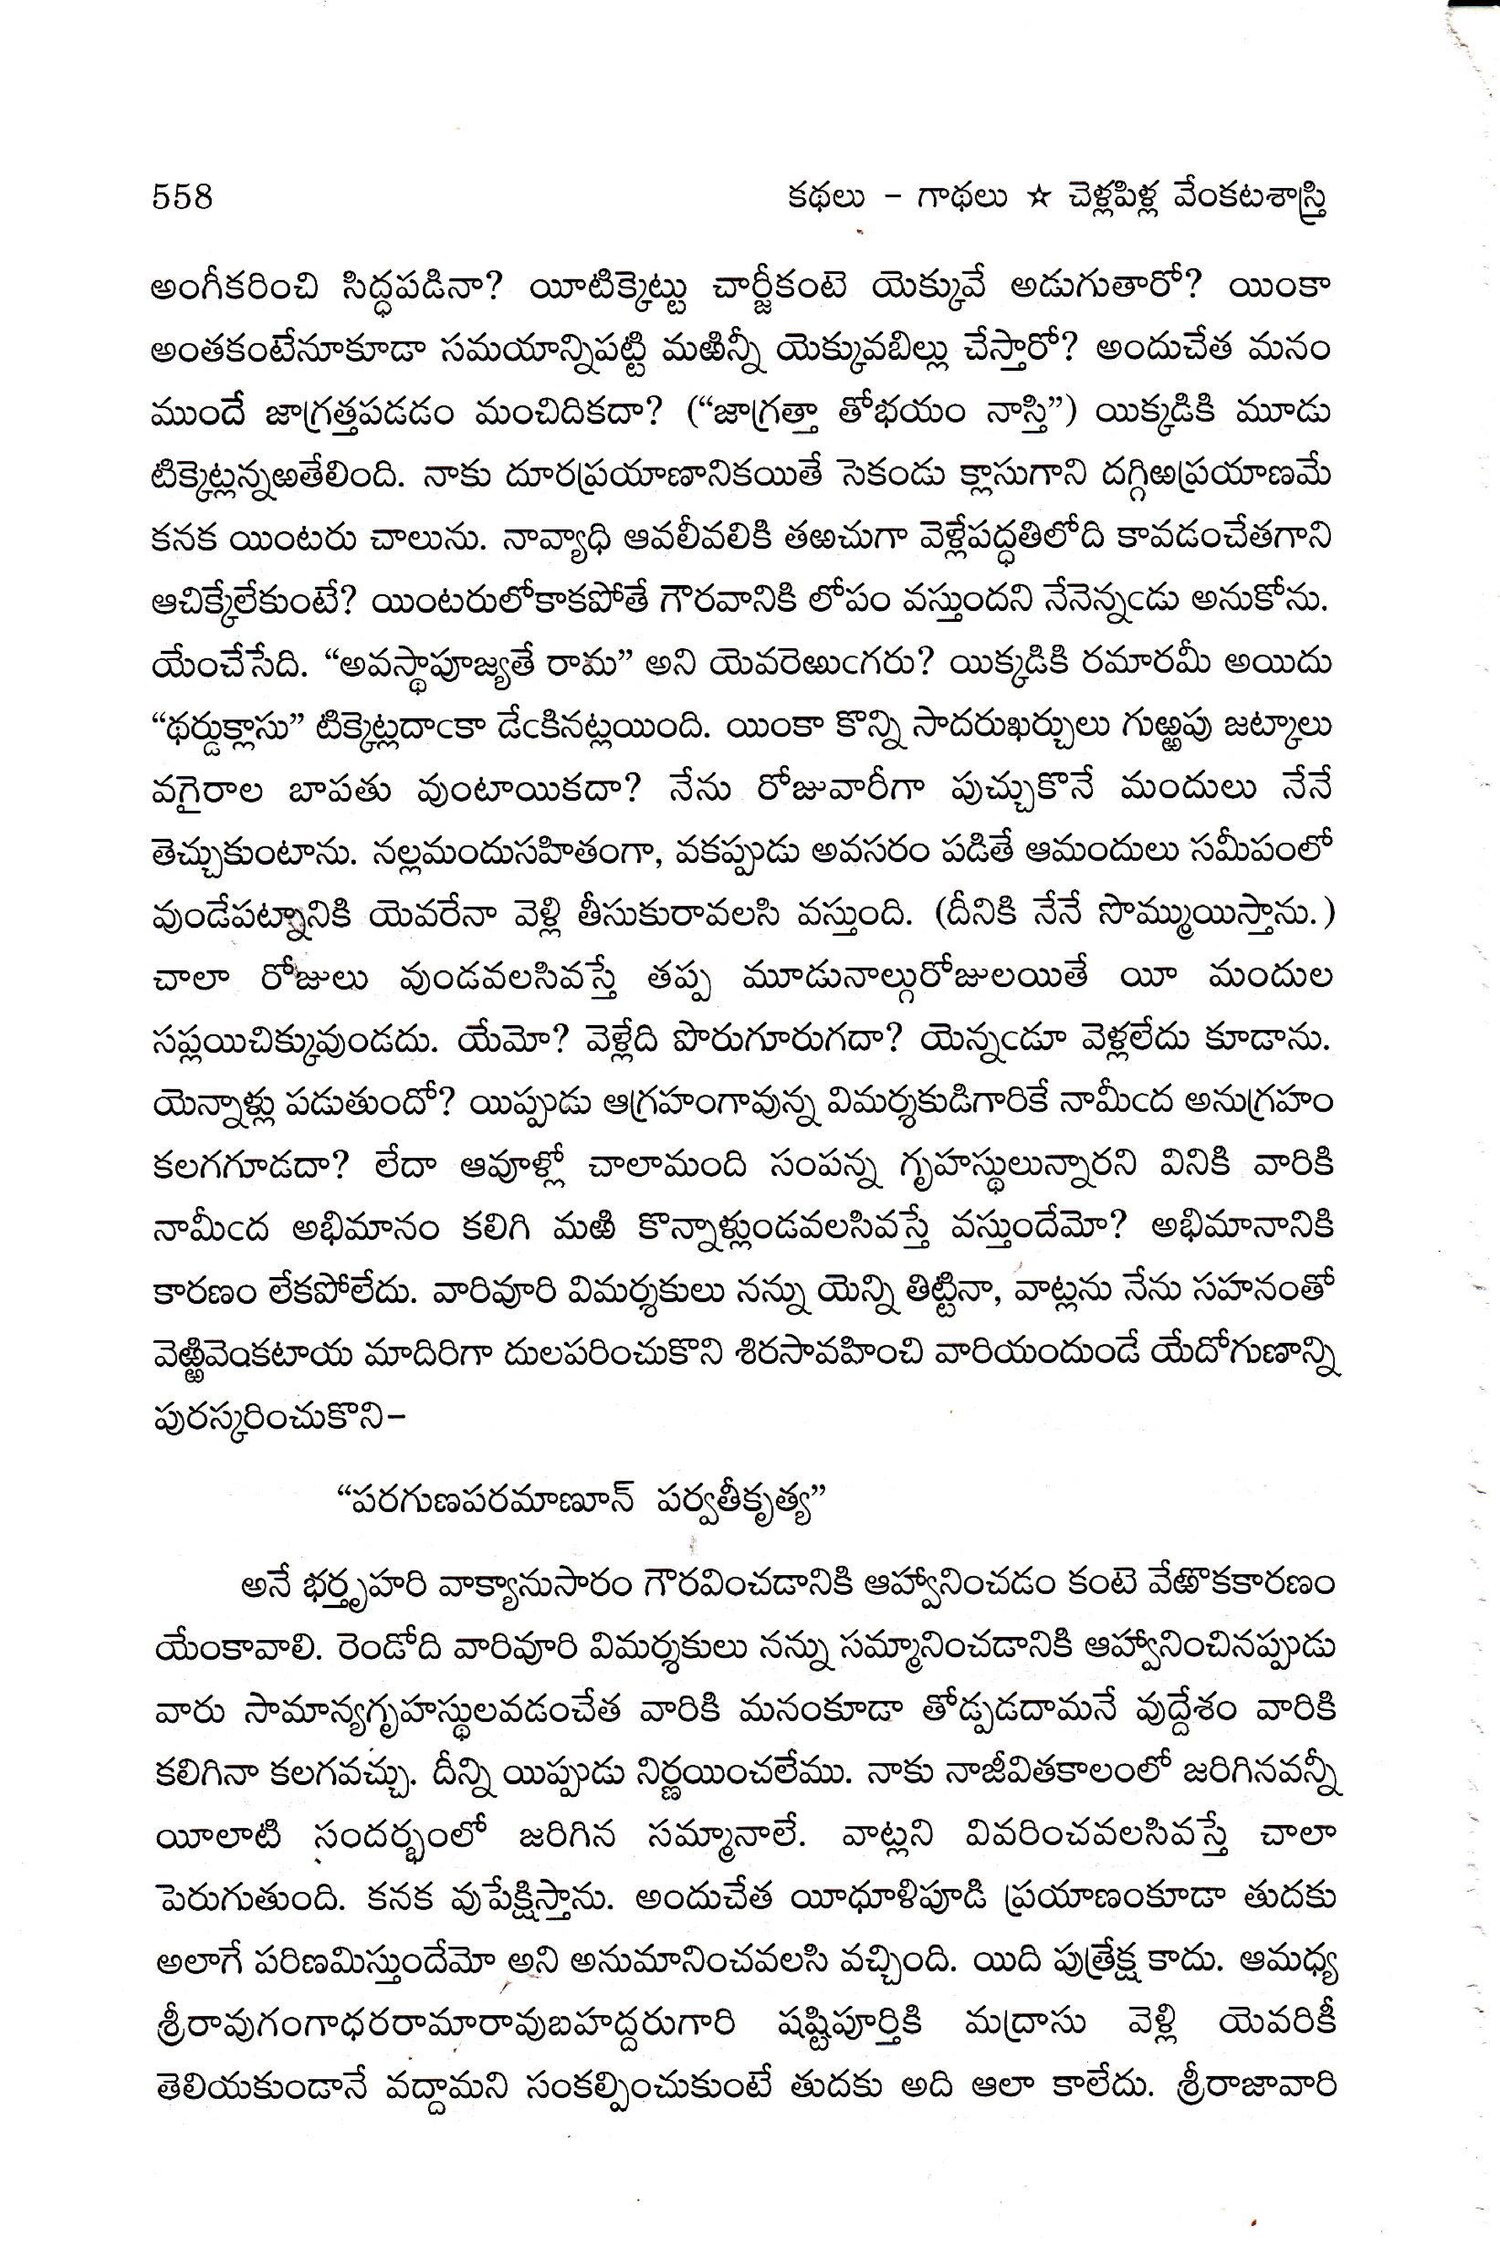అంగీకరించి సిద్ధపడినా? యీటిక్కెట్టు చార్టీకంటె యెక్కువే అడుగుతారో? యింకా అంతకంటేనూకూడా సమయాన్నిపట్టి మఱిన్నీ యెక్కువబిల్లు చేస్తారో? అందుచేత మనం ముందే జాగ్రత్తపడడం మంచిదికదా? (“జాగ్రత్తా తోభయం నాస్తి") యిక్కడికి మూడు టిక్కెట్లన్నఱతేలింది. నాకు దూరప్రయాణానికయితే సెకండు క్లాసుగాని దగ్గిఱప్రయాణమే కనక యింటరు చాలును. నావ్యాధి ఆవలీవలికి తఱచుగా వెళ్లేపద్ధతిలోది కావడంచేతగాని ఆచిక్కేలేకుంటే? యింటరులోకాకపోతే గౌరవానికి లోపం వస్తుందని నేనెన్నఁడు అనుకోను. యేంచేసేది. “అవస్థాపూజ్యతే రామ" అని యెవరెఱుఁగరు? యిక్కడికి రమారమీ అయిదు "థర్డుక్లాసు" టికెట్లదాఁకా డేఁకినట్లయింది. యింకా కొన్ని సాదరఖర్చులు గుఱ్ఱపు జట్కాలు వగైరాల బాపతు వుంటాయికదా? నేను రోజువారీగా పుచ్చుకొనే మందులు నేనే తెచ్చుకుంటాను. నల్లమందుసహితంగా, వకప్పుడు అవసరం పడితే ఆమందులు సమీపంలో వుండేపట్నానికి యెవరేనా వెళ్లి తీసుకురావలసి వస్తుంది. (దీనికి నేనే సొమ్ముయిస్తాను.) చాలా రోజులు వుండవలసివస్తే తప్ప మూడునాల్గురోజులయితే యిూ మందుల సప్లయిచిక్కువుండదు. యేమో? వెళ్లేది పొరుగూరుగదా? యెన్నఁడూ వెళ్లలేదు కూడాను. యెన్నాళ్లు పడుతుందో? యిప్పుడు ఆగ్రహంగావున్న విమర్శకుడిగారికే నామీఁద అనుగ్రహం కలగగూడదా? లేదా ఆవూళ్లో చాలామంది సంపన్న గృహస్థులున్నారని వినికి వారికి నామీఁద అభిమానం కలిగి మఱి కొన్నాళ్లుండవలసివస్తే వస్తుందేమో? అభిమానానికి కారణం లేకపోలేదు. వారివూరి విమర్శకులు నన్ను యెన్ని తిట్టినా, వాట్లను నేను సహనంతో వెఱ్ఱివెంకటాయ మాదిరిగా దులపరించుకొని శిరసావహించి వారియందుండే యేదోగుణాన్ని పురస్కరించుకొని-

“పరగుణపరమాణూన్ పర్వతీకృత్య"
అనే భర్తృహరి వాక్యానుసారం గౌరవించడానికి ఆహ్వానించడం కంటె వేఱొకకారణం యేంకావాలి. రెండోది వారివూరి విమర్శకులు నన్ను సమ్మానించడానికి ఆహ్వానించినప్పుడు వారు సామాన్యగృహస్థులవడంచేత వారికి మనంకూడా తోడ్పడదామనే వుద్దేశం వారికి కలిగినా కలగవచ్చు. దీన్ని యిప్పుడు నిర్ణయించలేము. నాకు నాజీవితకాలంలో జరిగినవన్నీ యీలాటి సందర్భంలో జరిగిన సమ్మానాలే. వాట్లని వివరించవలసివస్తే చాలా పెరుగుతుంది. కనక వుపేక్షిస్తాను. అందుచేత యీధూళిపూడి ప్రయాణంకూడా తుదకు అలాగే పరిణమిస్తుందేమో అని అనుమానించవలసి వచ్చింది. యిది పుత్రేక్ష కాదు. ఆమధ్య శ్రీరావుగంగాధరరామారావుబహద్దరుగారి షష్టిపూర్తికి మద్రాసు వెళ్లి యెవరికీ తెలియకుండానే వద్దామని సంకల్పించుకుంటే తుదకు అది ఆలా కాలేదు. శ్రీరాజావారి